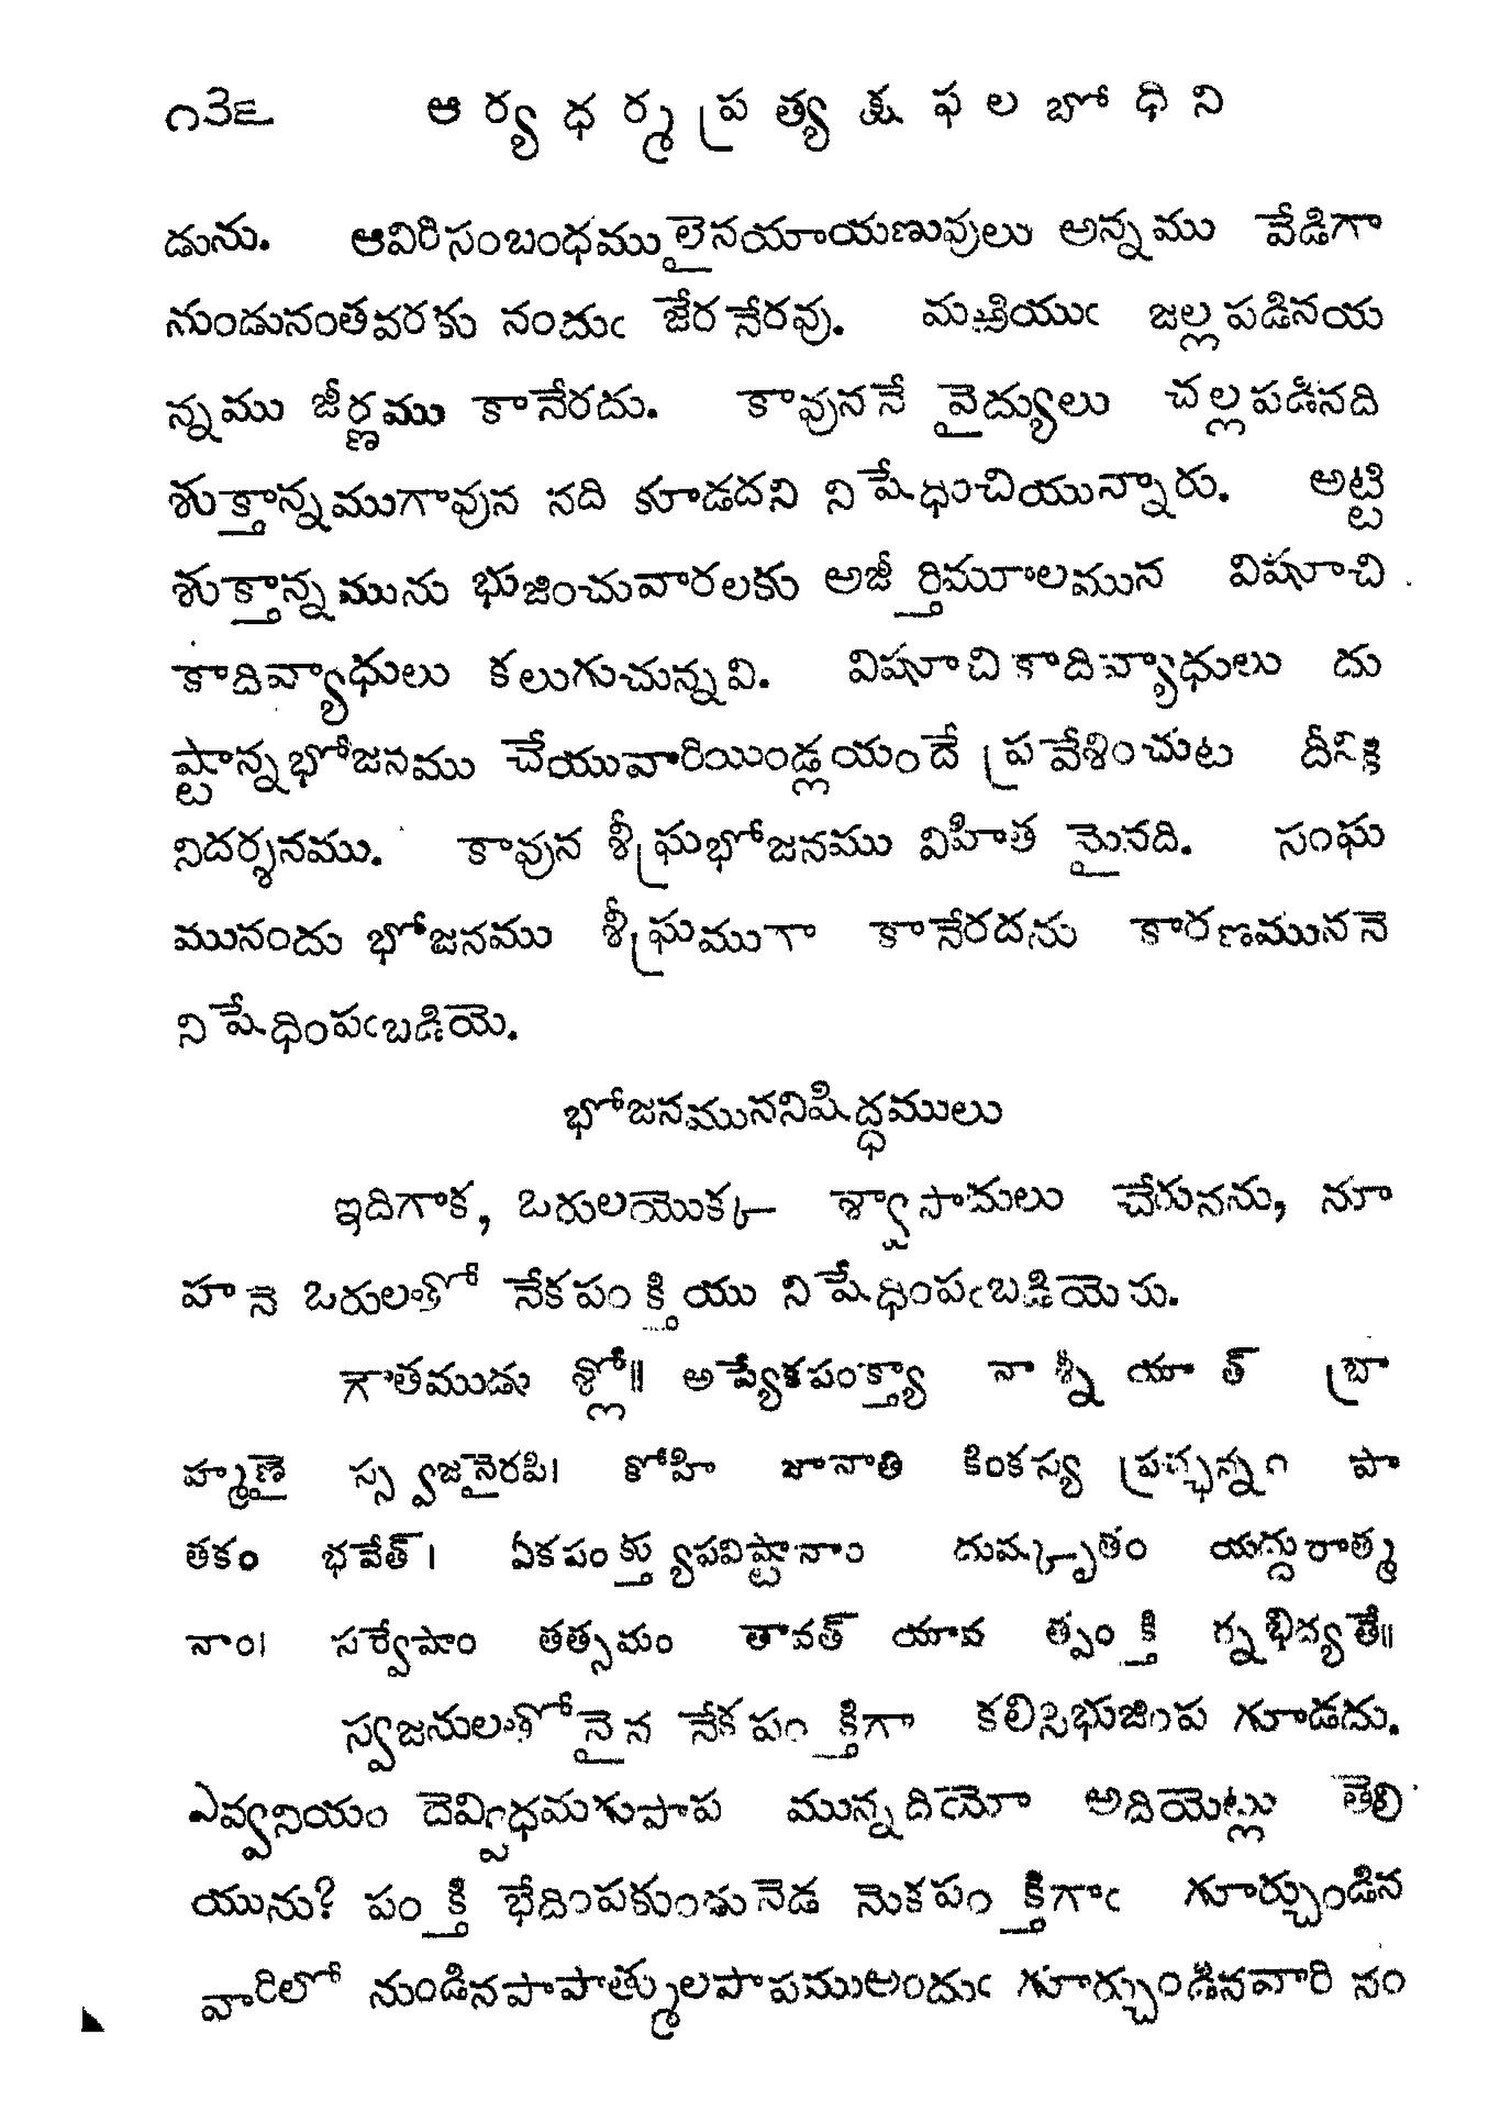డును. ఆవిరిసంబంధములైనయాయణువులు అన్నము వేడిగా నుండునంతవరకు నందుఁ జేరనేరవు.
మఱియుఁ జల్లపడినయన్నము జీర్ణము కానేరదు. కావుననే వైద్యులు చల్లపడినది శుక్తాన్నముగావున నది కూడదని నిషేధించియున్నారు. అట్టి శుక్తాన్నమును భుజించువారలకు అజీర్తిమూలమున విషూచికాదివ్యాధులు కలుగుచున్నవి. విషూచికాదివ్యాధులు దుష్టాన్నభోజనము చేయువారియిండ్లయందే ప్రవేశించుట దీనికి నిదర్శనము. కావున శీఘ్రభోజనము విహిత మైనది. సంఘమునందు భోజనము శీఘ్రముగా కానేరదను కారణముననె నిషేధింపఁబడియె.

ఇదిగాక, ఒరులయొక్క శ్వాసాదులు చేరునను, నూహనె ఒరులతో నేకపంక్తియు నిషేధింపఁబడియెను.

గౌతముడు శ్లో॥ అప్యేకపంక్త్యా నా శ్నీ యాత్ బ్రాహ్మణై స్స్వజనైరపి। కోహి జానాతి కింకస్య ప్రచ్ఛన్నం పాతకం భవేత్। ఏకపంక్త్యుపవిష్టానాం దుష్కృతం యద్దురాత్మనాం। సర్వేషాం తత్సమం తావత్ యావ త్పంక్తి ర్నభిద్యతే॥

స్వజనులతోనైన నేకపంక్తిగా కలిసిభుజింప గూడదు. ఎవ్వనియం దెవ్విధమగుపాప మున్నదియో అదియెట్లు తెలియును? పంక్తి భేదింపకుండునెడ నొకపంక్తిగాఁ గూర్చుండిన వారిలో నుండిన పాపాత్ములపాపముఅందుఁ గూర్చుండినవారి నం